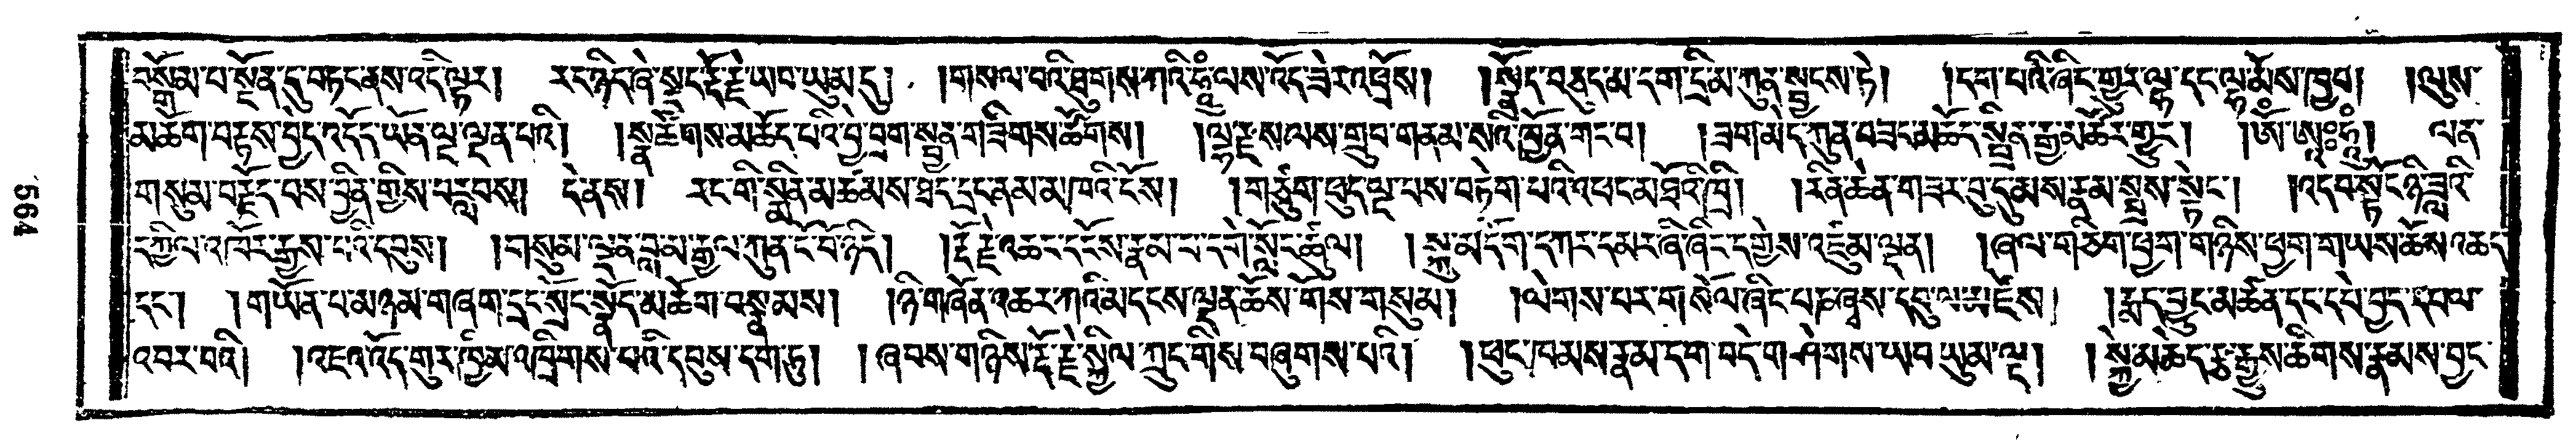བསྒོམ་པ་སྔོན་དུ་བཏང་ནས་འདི་ལྟར། རང་ཉིད་ཞེ་སྡང་རྡོ་རྗེ་ཡབ་ཡུམ་དུ། །གསལ་བའི་ཐུགས་ཀའི་ཧཱུཾ་ལས་འོད་ཟེར་འཕྲོས། །སྣོད་བཅུད་མ་དག་དྲི་མ་ཀུན་སྦྱངས་ཏེ། །དག་བའི་ཞིང་གྱུར་ལྷ་དང་ལྷ་མོས་ཁྱབ། །ལུས་
མཆོག་བརྟས་བྱེད་འདོད་ཡོན་ལྔ་ལྡན་པའི། །སྣ་ཚོགས་མཆོད་པའི་བྱེ་བྲག་སྤྱན་གཟིགས་ཚོགས། །ལྷ་རྫས་ལས་གྲུབ་གནམ་སའི་ཁྱོན་གང་བ། །ཟག་མེད་ཀུན་བཟང་མཆོད་སྤྲིན་རྒྱ་མཚོར་གྱུར། །ཨོཾ་ཨཱཿཧཱུཾ། ལན་
གསུམ་བརྗོད་པས་བྱིན་གྱིས་བརླབས། །དེ་ནས། རང་གི་སྨིན་མཚམས་ཐད་དྲང་དྲང་ནམ་མཁའི་ངོས། །གཙུག་ཕུད་ལྔ་པས་བཏེག་པའི་འཕང་མཐོའི་ཁྲི། །རིན་ཆེན་གཟར་བུ་དུ་མས་རྣམ་སྤྲས་སྟེང་། །འདབ་སྟོང་ཉི་ཟླའི་
དཀྱིལ་འཁོར་རྒྱས་པའི་དབུས། །གསུམ་ལྡན་བླ་མ་རྒྱལ་ཀུན་ངོ་བོ་ཉིད། །རྡོ་རྗེ་འཆང་དངོས་རྣམ་པ་དགེ་སློང་ཚུལ། །སྐུ་མདོག་དཀར་དམར་ཞི་ཞིང་དགྱེས་འཛུམ་ལྡན། །ཞལ་གཅིག་ཕྱག་གཉིས་ཕྱག་གཡས་ཆོས་འཆད་
དང་། །གཡོན་པ་མཉམ་གཞག་དྲང་སྲོང་སྣོད་མཆོག་བསྣམས། །ཉི་གཞོན་འཆར་ཀའི་མདངས་ལྡན་ཆོས་གོས་གསུམ། །ལེགས་པར་གསོལ་ཞིང་པཎ་ཞྭས་དབུ་ལ་མཛེས། །རྨད་བྱུང་མཚན་དང་དཔྱེ་བྱང་དཔལ་
འབར་བའི། །འཇའ་འོད་གུར་ཁྱིམ་འཁྲིགས་པའི་དབུས་དག་ཏུ། །ཞབས་གཉིས་རྡོ་རྗེ་སྐྱིལ་ཀྲུང་གིས་བཞུགས་པའི། །ཕུང་ཁམས་རྣམ་དག་བདེ་གཤེགས་ཡབ་ཡུམ་ལྔ། །སྐྱེ་མཆེད་རྩ་རྒྱུས་ཚིགས་རྣམས་བྱང་